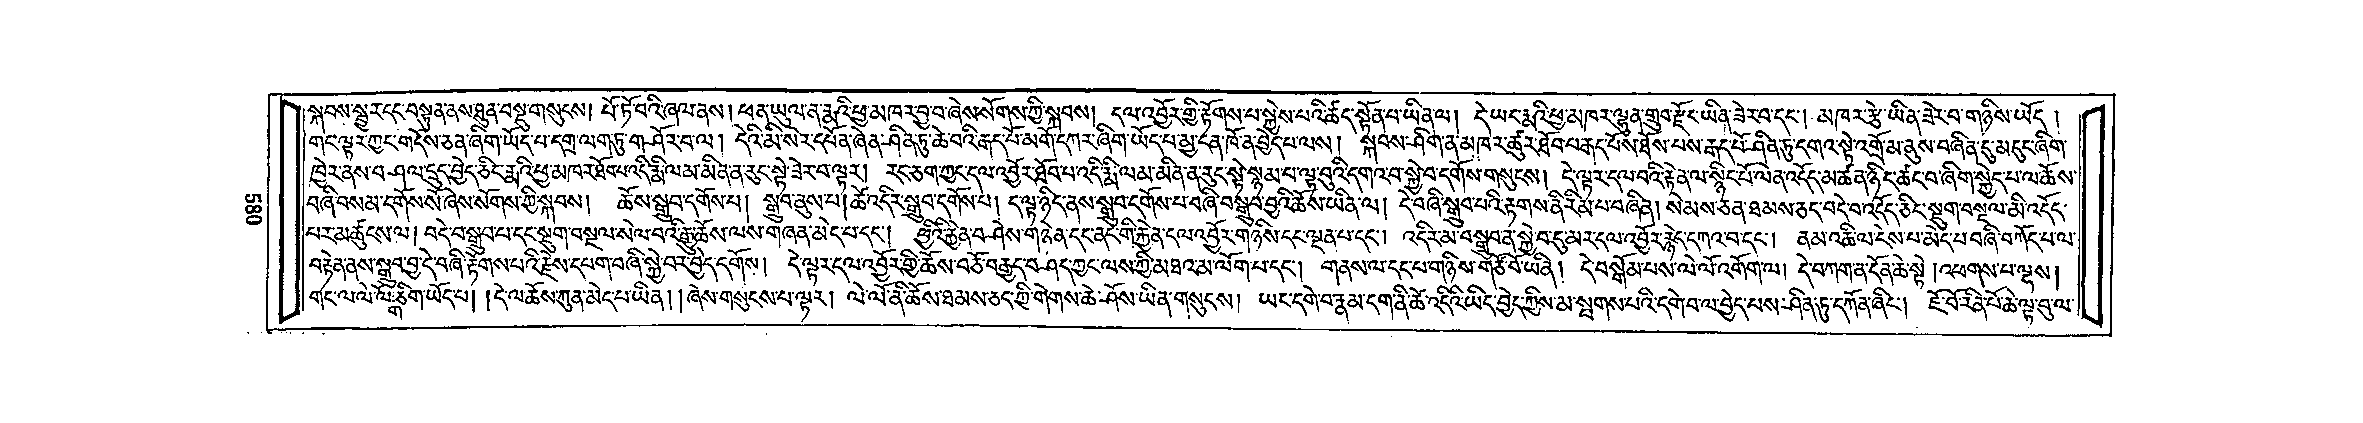སྐབས་སྦྱར་དང་བསྟུན་ནས་ཐུན་བསྡུ་གསུངས། པོ་ཏོ་བའི་ཞལ་ནས། ཕན་ཡུལ་ན་རྨའི་ཕྱ་མཁར་བྱ་བ་ཞེས་སོགས་ཀྱི་སྐབས། དལ་འབྱོར་གྱི་རྟོགས་པ་སྐྱེས་པའི་ཚད་སྟོན་པ་ཡིན་ལ། དེ་ཡང་རྨའི་ཕྱ་མཁར་ལྷུན་གྲུབ་རྫོང་ཡིན་ཟེར་བ་དང་། མཁར་རྩེ་ཡིན་ཟེར་བ་གཉིས་ཡོད།
གང་ལྟར་ཀྱང་གདོས་ཅན་ཞིག་ཡོད་པ་དགྲ་ལག་ཏུ་གཤོར་བ་ལ། དེའི་མི་སེར་དཔོན་ཞེན་ཤིན་ཏུ་ཆེ་བའི་རྒད་པོ་མགོ་དཀར་ཞིག་ཡོད་པ་མྱ་ངན་ཁོ་ན་བྱེད་པ་ལས། སྐབས་ཤིག་ན་མཁར་ཚུར་ཐོབ་པ་རྒད་པོས་ཐོས་པས་རྒད་པོ་ཤིན་ཏུ་དགའ་སྟེ་འགྲོ་མ་ནུས་བཞིན་དུ་མདུང་ཞིག་
ཁྱེར་ནས་བཤལ་དྲུད་བྱེད་ཅིང་རྨའི་ཕྱ་མཁར་ཐོབ་པ་འདི་རྨི་ལམ་མིན་ན་རུང་སྟེ་ཟེར་བ་ལྟར། རང་ཅག་ཀྱང་དལ་འབྱོར་ཐོབ་པ་འདི་རྨི་ལམ་མིན་ན་རུང་སྟེ་སྙམ་པ་ལྟ་བུའི་དགའ་བ་སྐྱེ་བ་དགོས་གསུངས། དེ་ལྟར་དལ་བའི་རྟེན་ལ་སྙིང་པོ་ལེན་འདོད་མཚན་ཉིད་ཚང་བ་ཞིག་སྐྱེད་པ་ལ་ཆོས་
བཞི་བསམ་དགོས་སོ་ཞེས་སོགས་ཀྱི་སྐབས། ཆོས་སྒྲུབ་དགོས་པ། སྒྲུབ་ནུས་པ། ཚེ་འདིར་སྒྲུབ་དགོས་པ། ད་ལྟ་ཉིད་ནས་སྒྲུབ་དགོས་པ་བཞི་བསྒྲུབ་བྱའི་ཆོས་ཡིན་ལ། དེ་བཞི་སྒྲུབ་པའི་རྟགས་ནི་རིམ་པ་བཞིན། སེམས་ཅན་ཐམས་ཅད་བདེ་བ་འདོད་ཅིང་སྡུག་བསྔལ་མི་འདོད་
པར་མཚུངས་ལ། བདེ་བ་སྒྲུབ་པ་དང་སྡུག་བསྔལ་སེལ་བའི་རྒྱུ་ཆོས་ལས་གཞན་མེད་པ་དང་། ཕྱིའི་རྐྱེན་བཤེས་གཉེན་དང་ནང་གི་རྐྱེན་དལ་འབྱོར་གཉིས་དང་ལྡན་པ་དང་། འདིར་མ་བསྒྲུབ་ན་སྐྱེ་བ་དུ་མར་དལ་འབྱོར་རྙེད་དཀའ་བ་དང་། ནམ་འཆི་ལ་ངེས་པ་མེད་པ་བཞི་བཀོད་པ་ལ་
བརྟེན་ནས་སྒྲུབ་བྱ་དེ་བཞི་རྟོགས་པའི་རྗེས་དཔག་བཞི་སྐྱེ་བར་བྱེད་དགོས། དེ་ལྟར་དལ་འབྱོར་གྱི་ཆོས་བཅོ་བརྒྱད་བཤད་ཀྱང་ལས་ཀྱི་མཐའ་མ་ལོག་པ་དང་། གནས་ལ་དད་པ་གཉིས་གཙོ་བོ་ཡིན། དེ་བསྒོམ་པས་ལེ་ལོ་འགོག་ལ། དེ་བཀག་ན་དོན་ཆེ་སྟེ། འཕགས་པ་ལྷས།
གང་ལ་ལེ་ལོ་གཅིག་ཡོད་པ། དེ་ལ་ཆོས་ཀུན་མེད་པ་ཡིན། །ཞེས་གསུངས་པ་ལྟར། ལེ་ལོ་ནི་ཆོས་ཐམས་ཅད་ཀྱི་གེགས་ཆེ་ཤོས་ཡིན་གསུངས། ཡང་དགེ་བ་རྣམ་དག་ནི་ཚེ་འདིའི་ཡིད་བྱེད་ཀྱིས་མ་སྦགས་པའི་དགེ་བ་ལ་བྱེད་པས་ཤིན་ཏུ་དཀོན་ཞིང་། ཇོ་བོ་རིན་པོ་ཆེ་ལྟ་བུ་ལ་